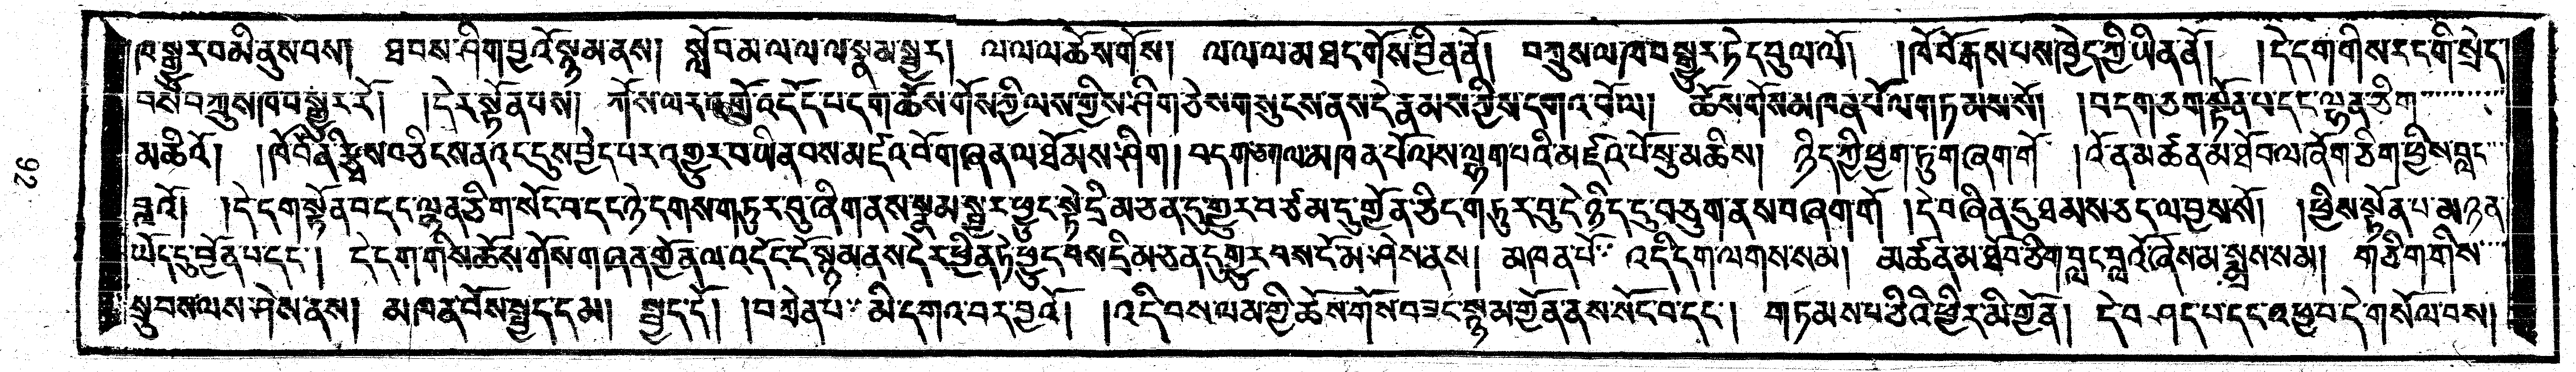ཁ་སྒྱུར་བ་མི་ནུས་བས། ཐབས་ཤིག་བྱའོ་སྙམ་ནས། སློབ་མ་ལ་ལ་ལ་སྣམ་སྦྱར། ལ་ལ་ལ་ཆོས་གོས། ལ་ལ་ལ་མཐང་གོས་བྱིན་ནོ། བཀྲུས་ལ་ཁ་བསྒྱུར་ཏེ་དབུལ་ལོ། །ཁོ་བོ་རྒས་པས་ཁྱེད་ཀྱི་ཡིན་ནོ། །དེ་དག་གིས་རང་གི་སྲེད་
བས་བཀྲུས་ཁ་བསྒྱུར་རོ། །དེར་སྟོན་པས། ཀོ་ས་ལར་འགྲོ་འདོད་པ་དག་ཆོས་གོས་ཀྱི་ལས་གྱིས་ཤིག་ཅེས་གསུངས་ནས་དེ་རྣམས་ཀྱིས་དགའ་བོ་ལ། ཆོས་གོས་མཁན་པོ་ལ་གཏམས་སོ། །བདག་ཅག་སྟོན་པ་དང་ལྷན་ཅིག་
མཆིའོ། །ཁོ་བོ་ནི་རྩྭས་བཅིངས་ནའང་དུས་བྱེད་པར་འགྱུར་བ་ཡིན་བས་མཛའ་བོ་གཞན་ལ་ཐོམས་ཤིག། བདག་ཅག་ལ་མཁན་པོ་ལས་ལྷག་པའི་མཛའ་པོ་སུ་མཆིས། ཉིད་ཀྱི་ཕྱག་ཏུ་གཞག་གོ །འོ་ན་མཚན་མ་ཐོབ་ལ་ཞོག་ཅིག་ཕྱིས་བླང་
བླའོ། །དེ་དག་སྟོན་བ་དང་ལྷན་ཅིག་སོང་བ་དང་ཉེ་དགས་གཏུར་བུ་ཞིག་ནས་སྣམ་སྦྱར་ཕྱུང་སྟེ་དྲི་མ་ཅན་དུ་གྱུར་བ་ཙམ་དུ་གྱོན་ཅིང་གཏུར་བུ་དེ་ཉིད་དུ་བཅུག་ནས་བཞག་གོ །དེ་བཞིན་དུ་ཐམས་ཅད་ལ་བྱས་སོ། །ཕྱིས་སྟོན་པ་མཉན་
ཡོད་དུ་བྱོན་པ་དང་། དེ་དག་གིས་ཆོས་གོས་གཞན་གྱོན་ལ་འདོང་ངོ་སྙམ་ནས་དེར་ཕྱིན་ཏེ་ཕྱུང་བས་དྲི་མ་ཅན་དུ་གྱུར་བས་ངོ་མ་ཤེས་ནས། མཁན་པོ༑ འདི་དག་ལགས་སམ། མཚན་མ་ཐོབ་ཅིག་བླང་བླའོ་ཞེས་མ་སྨྲས་སམ། གཅིག་གིས་
སྲུབས་ལས་ཤེས་ནས། མཁན་བོས་སྤྱད་དམ། སྦྱད་དོ། །བཀྲེན་པ༑ མི་དགའ་བར་བྱའོ། །འདི་བས་ལམ་གྱི་ཆོས་གོས་བཟང་སྙམ་གྱོན་ནས་སོང་བ་དང་། གཏམས་པ་ཅིའི་ཕྱིར་མི་གྱོན། དེ་བཤད་པ་དང་འཕྱ་བ་དེ་གསོལ་བས།